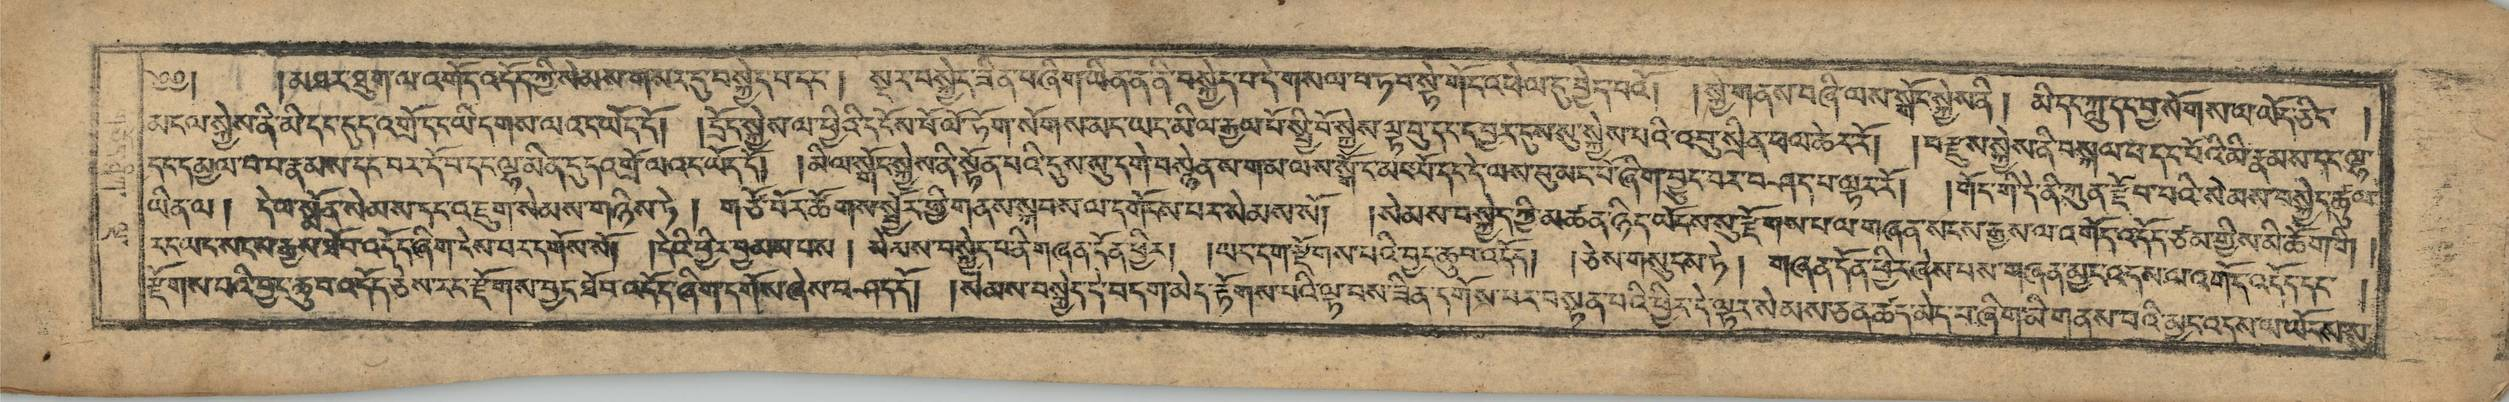༄༅། །མཐར་ཐུག་ལ་འགོད་འདོད་ཀྱི་སེམས་གསར་དུ་བསྐྱེད་པ་དང་། སྔར་བསྐྱེད་ཟིན་པ་ཞིག་ཡིན་ན་ནི་བསྐྱེད་པ་དེ་གསལ་བཏབ་སྟེ་གོ་འཕེལ་དུ་བྱེད་པའོ། །སྐྱེ་གནས་བཞི་ལས་སྒོ་ང་སྐྱེས་ནི། མི་དང་སླུ་དང་བྱ་སོགས་ལ་ཡོད་ཅིང་།
མངལ་སྐྱེས་ནི་མི་དང་དུད་འགྲོ་དང་ཡི་དྭགས་ལ་འང་ཡོད་དོ། །དྲོད་སྐྱེས་ལ་ཕྱིའི་དངོས་པོ་ལོ་ཏོག་སོགས་མང་ཡང་མིས་རྒྱལ་པོ་སྤྱི་བོ་སྐྱེས་ལྟ་བུ་དང་དབྱར་དུས་སུ་སྐྱེས་པའི་འབུ་སྲིན་ཕལ་ཆེར་རོ། །བརྫུས་སྐྱེས་ནི་བསྐལ་པ་དང་པོའི་མི་རྣམས་དང་ལྷ་
དང་དམྱལ་བ་པ་རྣམས་དང་བར་དོ་བ་དང་ལྷ་མིན་དུད་འགྲོ་ལ་འང་ཡོད་དོ། །མི་ལ་སྒོ་ང་སྐྱེས་ནི་སྟོན་པའི་དུས་སུ་དགེ་བསྙེན་མ་ས་ག་ལས་སྒོ་ང་མང་པོ་དང་དེ་ལས་བུ་མང་པོ་ཞིག་བྱུང་བར་བཤད་པ་ལྟར་རོ། །གོང་འདི་ནི་ཀུན་རྫོབ་པའི་སེམས་བསྐྱེད་ཚུལ་
ཡིན་ལ། དེ་ལ་སྨོན་སེམས་དང་འཇུག་སེམས་གཉིས་ཏེ། གཙོ་བོར་ཚོགས་སྦྱོར་གྱི་གནས་སྐབས་ལ་དགོངས་པར་སེམས་སོ། །སེམས་བསྐྱེད་ཀྱི་མཚན་ཉིད་ཡོངས་སུ་རྫོགས་པ་ལ་གཞན་སངས་རྒྱས་ལ་འགོད་འདོད་ཙམ་གྱིས་མི་ཆོག་གི།
རང་ཡང་སངས་རྒྱས་ཐོབ་འདོད་ཞིག་ངེས་པར་དགོས་སོ། །དེའི་ཕྱིར་བྱམས་པས། སེམས་བསྐྱེད་པ་ནི་གཞན་དོན་ཕྱིར། །ཡང་དག་རྫོགས་པའི་བྱང་ཆུབ་འདོད། །ཅེས་གསུངས་ཏེ། གཞན་དོན་ཕྱིར་ཞེས་པས་གཞན་མྱང་འདས་ལ་འགོད་འདོད་དང་།
རྫོགས་པའི་བྱང་ཆུབ་འདོད་ཅེས་རང་རྫོགས་བྱང་ཐོབ་འདོད་ཞིག་དགོས་ཞེས་བཤད་དོ། །སེམས་བསྐྱེད་དེ་བདག་མེད་རྟོགས་པའི་ལྟ་བས་ཟིན་དགོས་པར་བསྟན་པའི་ཕྱིར་དེ་ལྟར་སེམས་ཅན་ཚད་མེད་པ་ཞིག་མི་གནས་པའི་མྱང་འདས་ལ་ཡོངས་སུ་